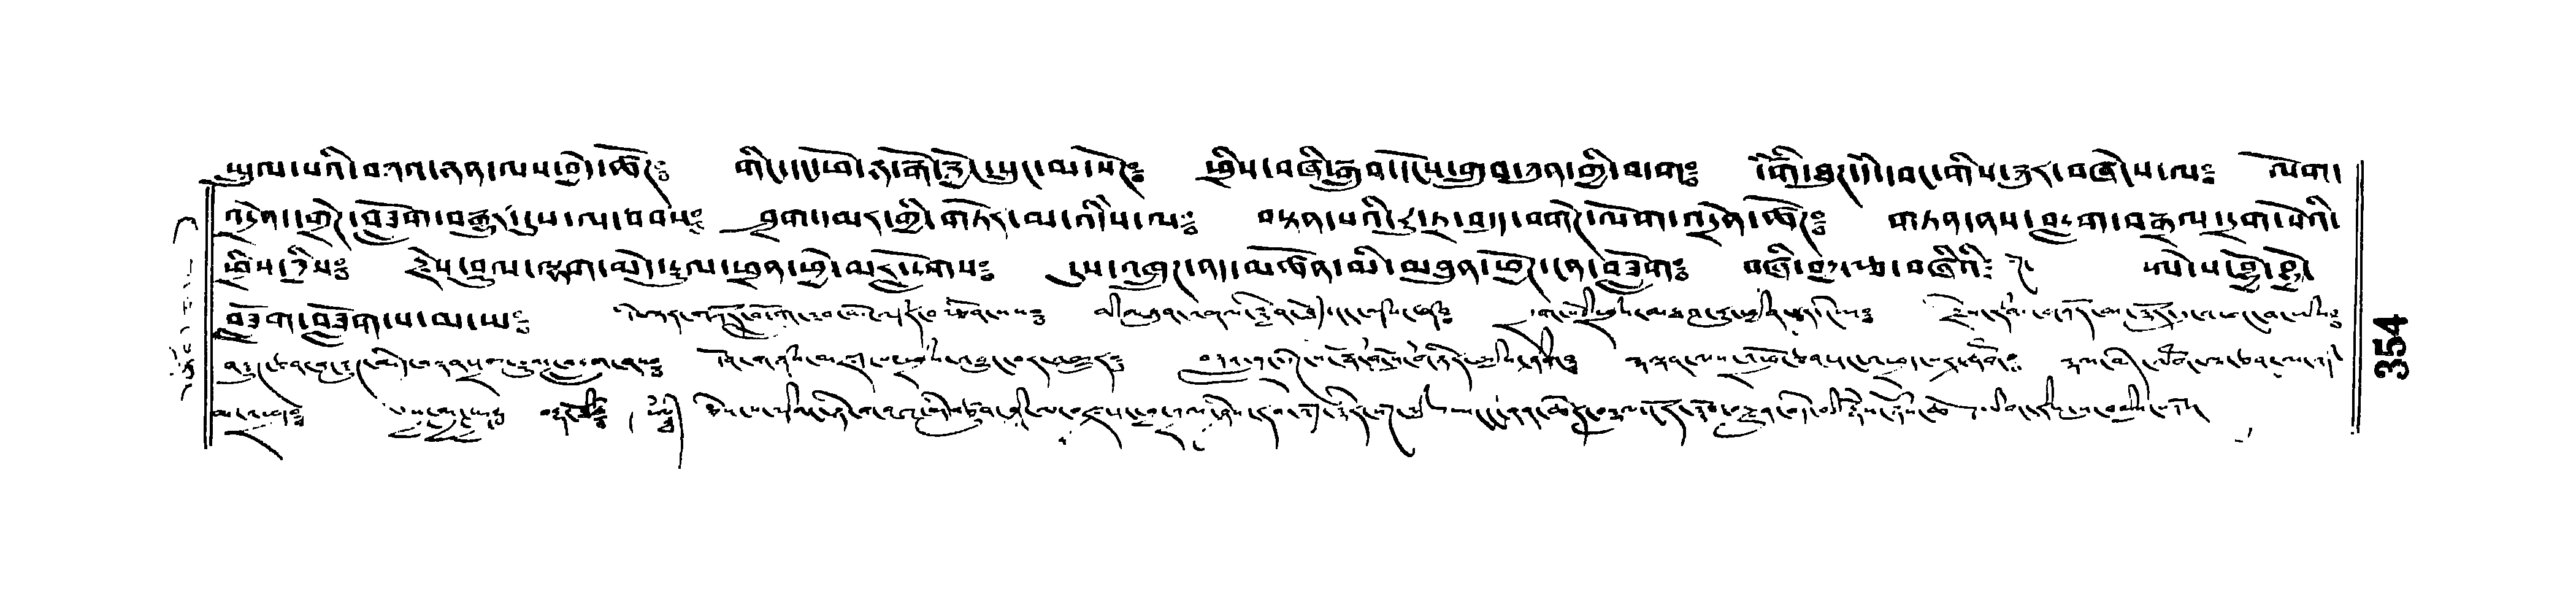སྤྲུལ་པའི་བཀའ་ཉན་ལས་བྱེད་ཚོགས༔ གིང་དང་ཕོ་ཉ་སྒོ་སྐྱོང་སྲུང་མ་སོགས༔ ཕྲིན་ལས་བཞི་སྒྲུབ་དངོས་གྲུབ་ཀུན་གྱི་བདག༔ དམ་ཚིག་ཐུགས་དམ་དབང་གིས་སྐུར་བཞེངས་ལ༔ ལོག་
འདྲེན་དགྲ་བགེགས་བཟློག་བསྒྱུར་དུས་ལ་བབས༔ ཤ་ཁྲག་དམར་གྱི་གཏོར་མ་འདི་ཤེས་ལ༔ བསྟན་པའི་རུ་ཏྲ་བདུད་བགེགས་ལོག་འདྲེན་ཚོགས༔ གཏན་ནས་བརླགས་བསྒྲལ་དྲག་པོའི་
ཕྲིན་ལས་ཀྱིས༔ རྗེས་ཤུལ་ལྷག་མེད་རྡུལ་ཕྲན་ཕྱེ་མར་རློགས༔དུས་འཁྲུགས་ནད་མཚོན་མི་མཐུན་ཕྱོགས་ངན་བཟློག༔ བཞི་བརྒྱ་རྩ་བཞིའི༴ སོགསཿ ཨེ་ས་བྷྱོ་བྷྱོ་
བཟློག་བཟློག་ས་མ་ཡ༔ དེ་ལྟར་གཏོར་བཟློག་ཟབ་མོ་འདིར་བརྩོན་པས༔ མི་མཐུན་འགལ་རྐྱེན་ཐམས་ཅད་ངང་གིས་ཞི༔ དྲག་པོའི་ཕྲིན་ལས་མཐའ་རུ་ཕྱིན་པར་ངེས༔ རྗེས་རིམ་གཏོར་མ་ཟོར་དུ་འཕངས་པ་ཡིས༔ 
གཟུགས་ཅན་གཟུགས་མེད་བསྟན་དགྲ་རྡུལ་བརླག་ན༔ དོན་གཉིས་མཛད་པ་ཕྲིན་ལས་འབྱུང་བར་འགྱུར༔ བཀའ་སྲུང་དྲེགས་པ་རྣམ་གསུམ་གཉེར་གྱིས་ཤིག༔ སྐལ་ལྡན་ལས་འཕྲོ་ཅན་དང་འཕྲད་པར་ཤོག༔ སྐལ་མེད་ལོག་ལྟ་ཅན་ལ་འདི་
མ་འཕྲད༔ ས་མ་ཡ༔ རྒྱ་རྒྱ་རྒྱ༔ བརྡ་ཐིམ༔ ༔ ཅེས་པ་འདིའང་ཉེ་གནས་དགེ་བཙུན་ཤཱི་ལ་བཛྲ་དང་བྱ་བྲལ་ཤེས་རབ་འོད་ཟེར་སོགས་ཀྱིས་ཡང་ཡང་ནན་ཆེར་བསྐུལ་ངོར་ཟོབ་བརྫུན་བདེ་བའི་རྡོ་རྗེས་ཉམས་ཆོས་ཡིག་རིས་སུ་བགྱིས་པའོ།།